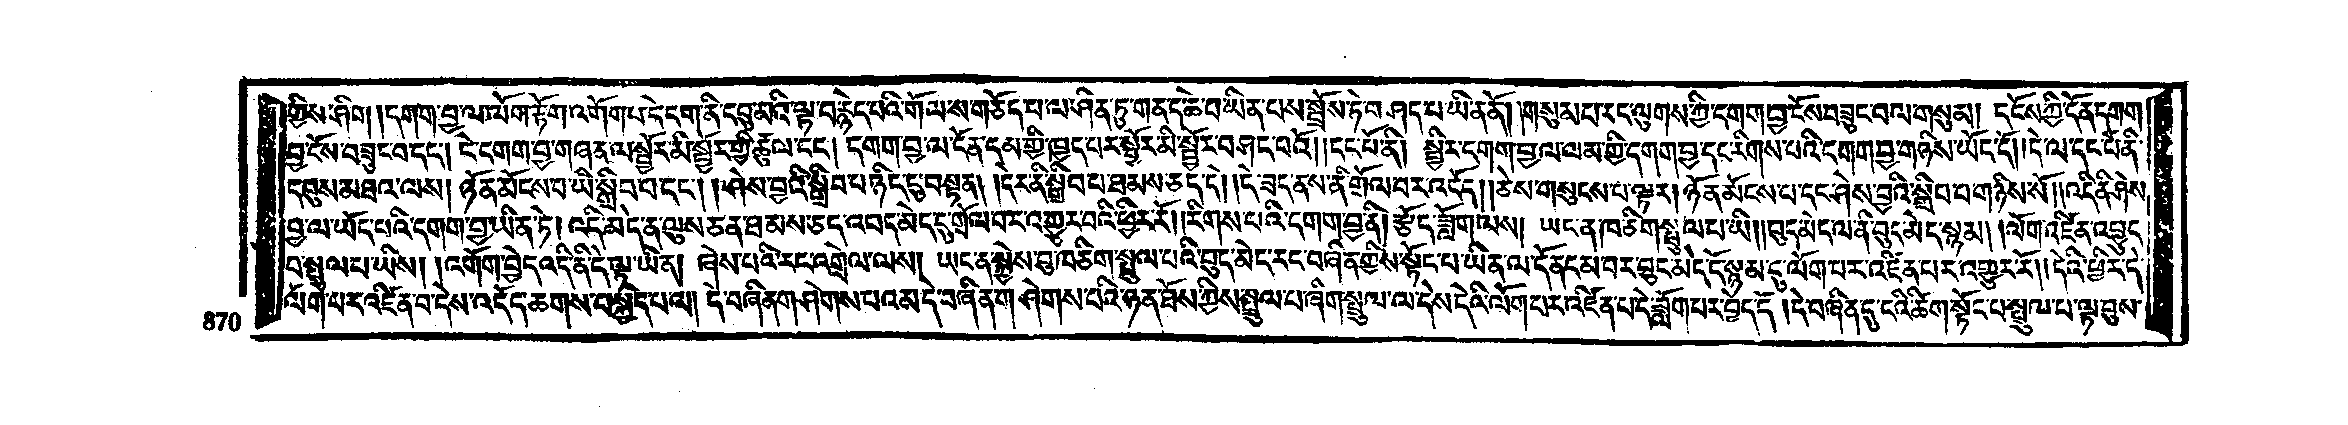གྱིས་ཤིག །དགག་བྱ་ལ་ལོག་རྟོག་འགོག་པ་དེ་དག་ནི་དབུ་མའི་ལྟ་བ་རྙེད་པའི་གོལ་ས་གཅོད་པ་ལ་ཤིན་ཏུ་གནད་ཆེ་བ་ཡིན་པས་སྤྲོས་ཏེ་བཤད་པ་ཡིན་ནོ། །གསུམ་པ་རང་ལུགས་ཀྱི་དགག་བྱ་ངོས་བཟུང་བ་ལ་གསུམ། དངོས་ཀྱི་དོན་དགག་
བྱ་ངོས་བཟུང་བ་དང་། དེ་དགག་བྱ་གཞན་ལ་སྦྱོར་མི་སྦྱོར་གྱི་ཚུལ་དང་། དགག་བྱ་ལ་དོན་དམ་གྱི་ཁྱད་པར་སྦྱོར་མི་སྦྱོར་བཤད་པའོ། །དང་པོ་ནི། སྤྱིར་དགག་བྱ་ལ་ལམ་གྱི་དགག་བྱ་དང་རིགས་པའི་དགག་བྱ་གཉིས་ཡོད་དོ། །དེ་ལ་དང་པོ་ནི་
དབུས་མཐའ་ལས། ཉོན་མོངས་པ་ཡི་སྒྲིབ་པ་དང་། །ཤེས་བྱའི་སྒྲིབ་པ་ཉིད་དུ་བསྟན། །དེར་ནི་སྒྲིབ་པ་ཐམས་ཅད་དེ། །དེ་ཟད་ནས་ནི་གྲོལ་བར་འདོད། །ཅེས་གསུངས་པ་ལྟར། ཉོན་མོངས་པ་དང་ཤེས་བྱའི་སྒྲིབ་པ་གཉིས་སོ། །འདི་ནི་ཤེས་
བྱ་ལ་ཡོད་པའི་དགག་བྱ་ཡིན་ཏེ། འདི་མེད་ན་ལུས་ཅན་ཐམས་ཅད་འབད་མེད་དུ་གྲོལ་བར་འགྱུར་བའི་ཕྱིར་རོ། །རིགས་པའི་དགག་བྱ་ནི། རྩོད་ཟློག་ལས། ཡང་ན་ཁ་ཅིག་སྤྲུལ་པ་ཡི། །བུད་མེད་ལ་ནི་བུད་མེད་སྙམ། །ལོག་འཛིན་འབྱུང་
བ་སྤྲུལ་པ་ཡིས། །འགོག་བྱེད་འདི་ནི་དེ་ལྟ་ཡིན། །ཞེས་པའི་རང་འགྲེལ་ལས། ཡང་ན་སྐྱེས་བུ་ཁ་ཅིག་སྤྲུལ་པའི་བུད་མེད་རང་བཞིན་གྱིས་སྟོང་པ་ཡིན་ལ་དོན་དམ་པར་བུད་མེད་དོ་སྙམ་དུ་ལོག་པར་འཛིན་པར་འགྱུར་རོ། །དེའི་ཕྱིར་དེ་
ལོག་པར་འཛིན་པ་དེས་འདོད་ཆགས་བསྐྱེད་པ་ལ། དེ་བཞིན་གཤེགས་པའམ་དེ་བཞིན་གཤེགས་པའི་ཉན་ཐོས་ཀྱིས་སྤྲུལ་པ་ཞིག་སྤྲུལ་ལ་དེས་དེའི་ལོག་པར་འཛིན་པ་དེ་ཟློག་པར་བྱེད་དོ། །དེ་བཞིན་དུ་ངའི་ཚིག་སྟོང་པ་སྤྲུལ་པ་ལྟ་བུས་